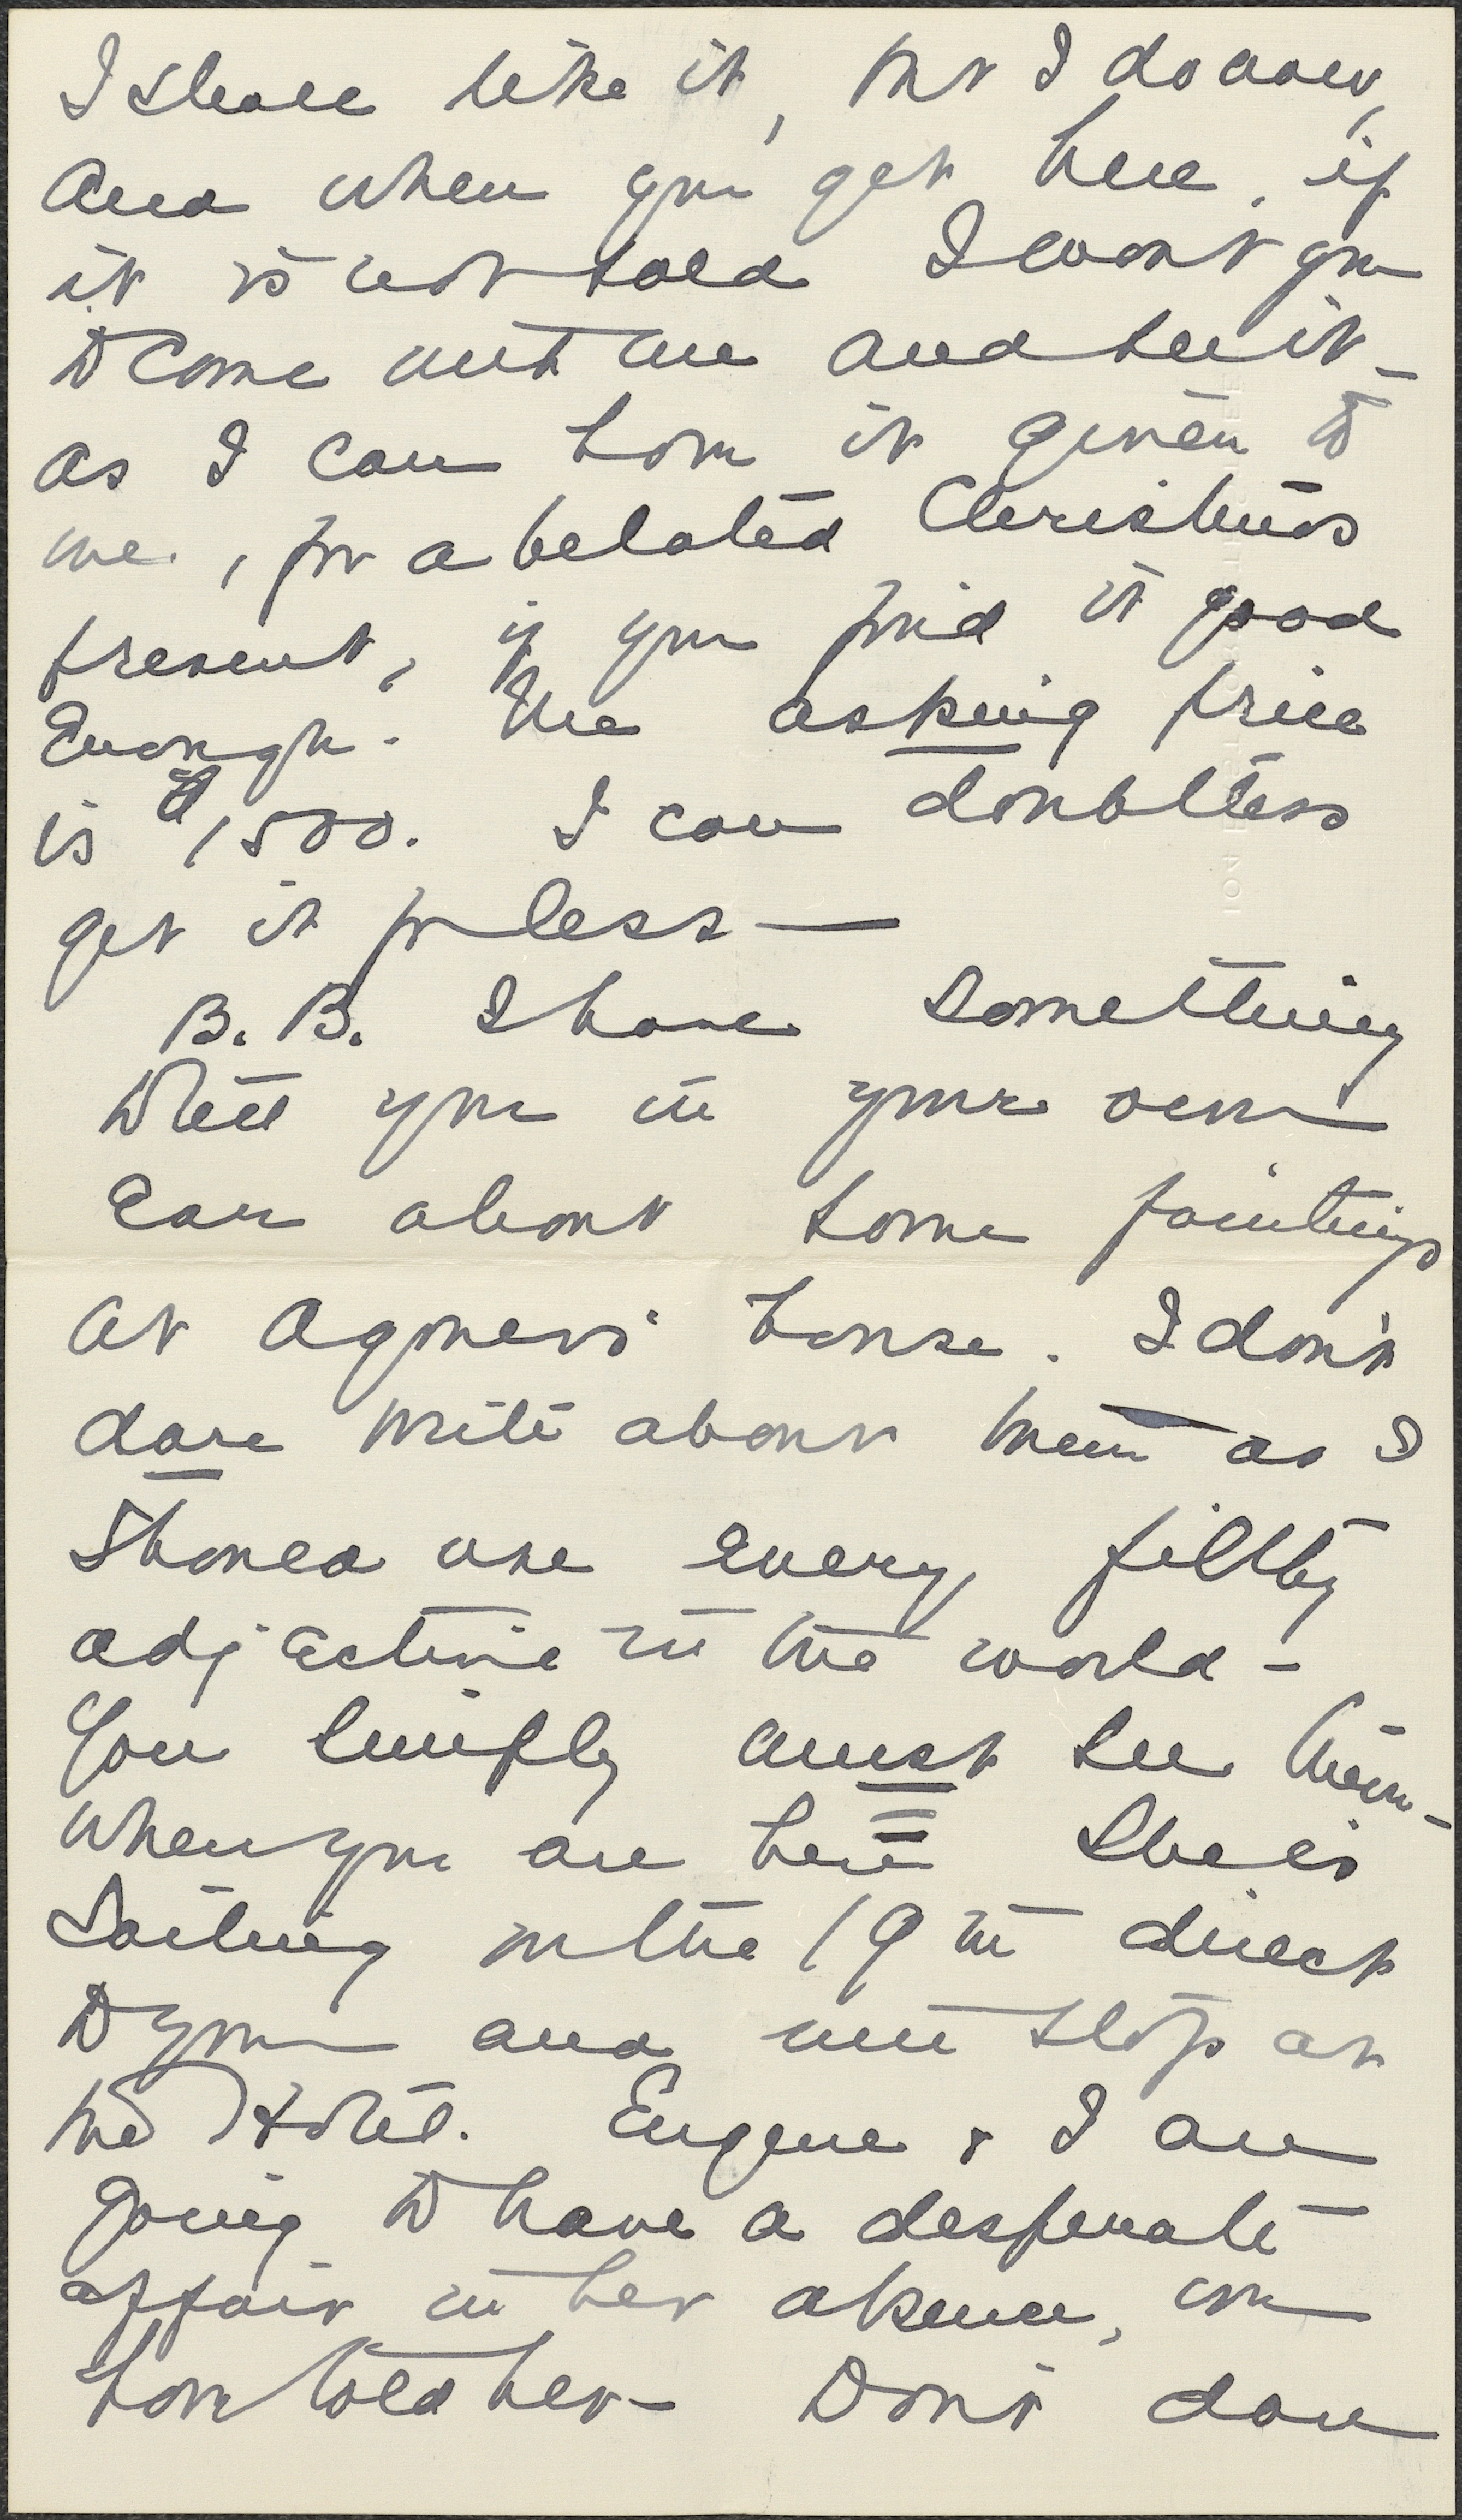I shall like it, but I do now, and when you get here, if it is not sold I want you to come with me and see it – as I can have it given to me, for a belated Christmas present, if you find it good enough. The asking price is $1500. I can doubtless get it for less –
B. B. I have something to tell you in your own ear about some paintings at Agonness’ house. I don’t dare write about them as I should use every filthy adjective in the world – You simply [triple underlined: must] see them when you are here She is sailing on the 19th direct to you and will stop at the Hotel. Eugene & I am going to have a desperate affair in her absence, we have told her – Don’t dare